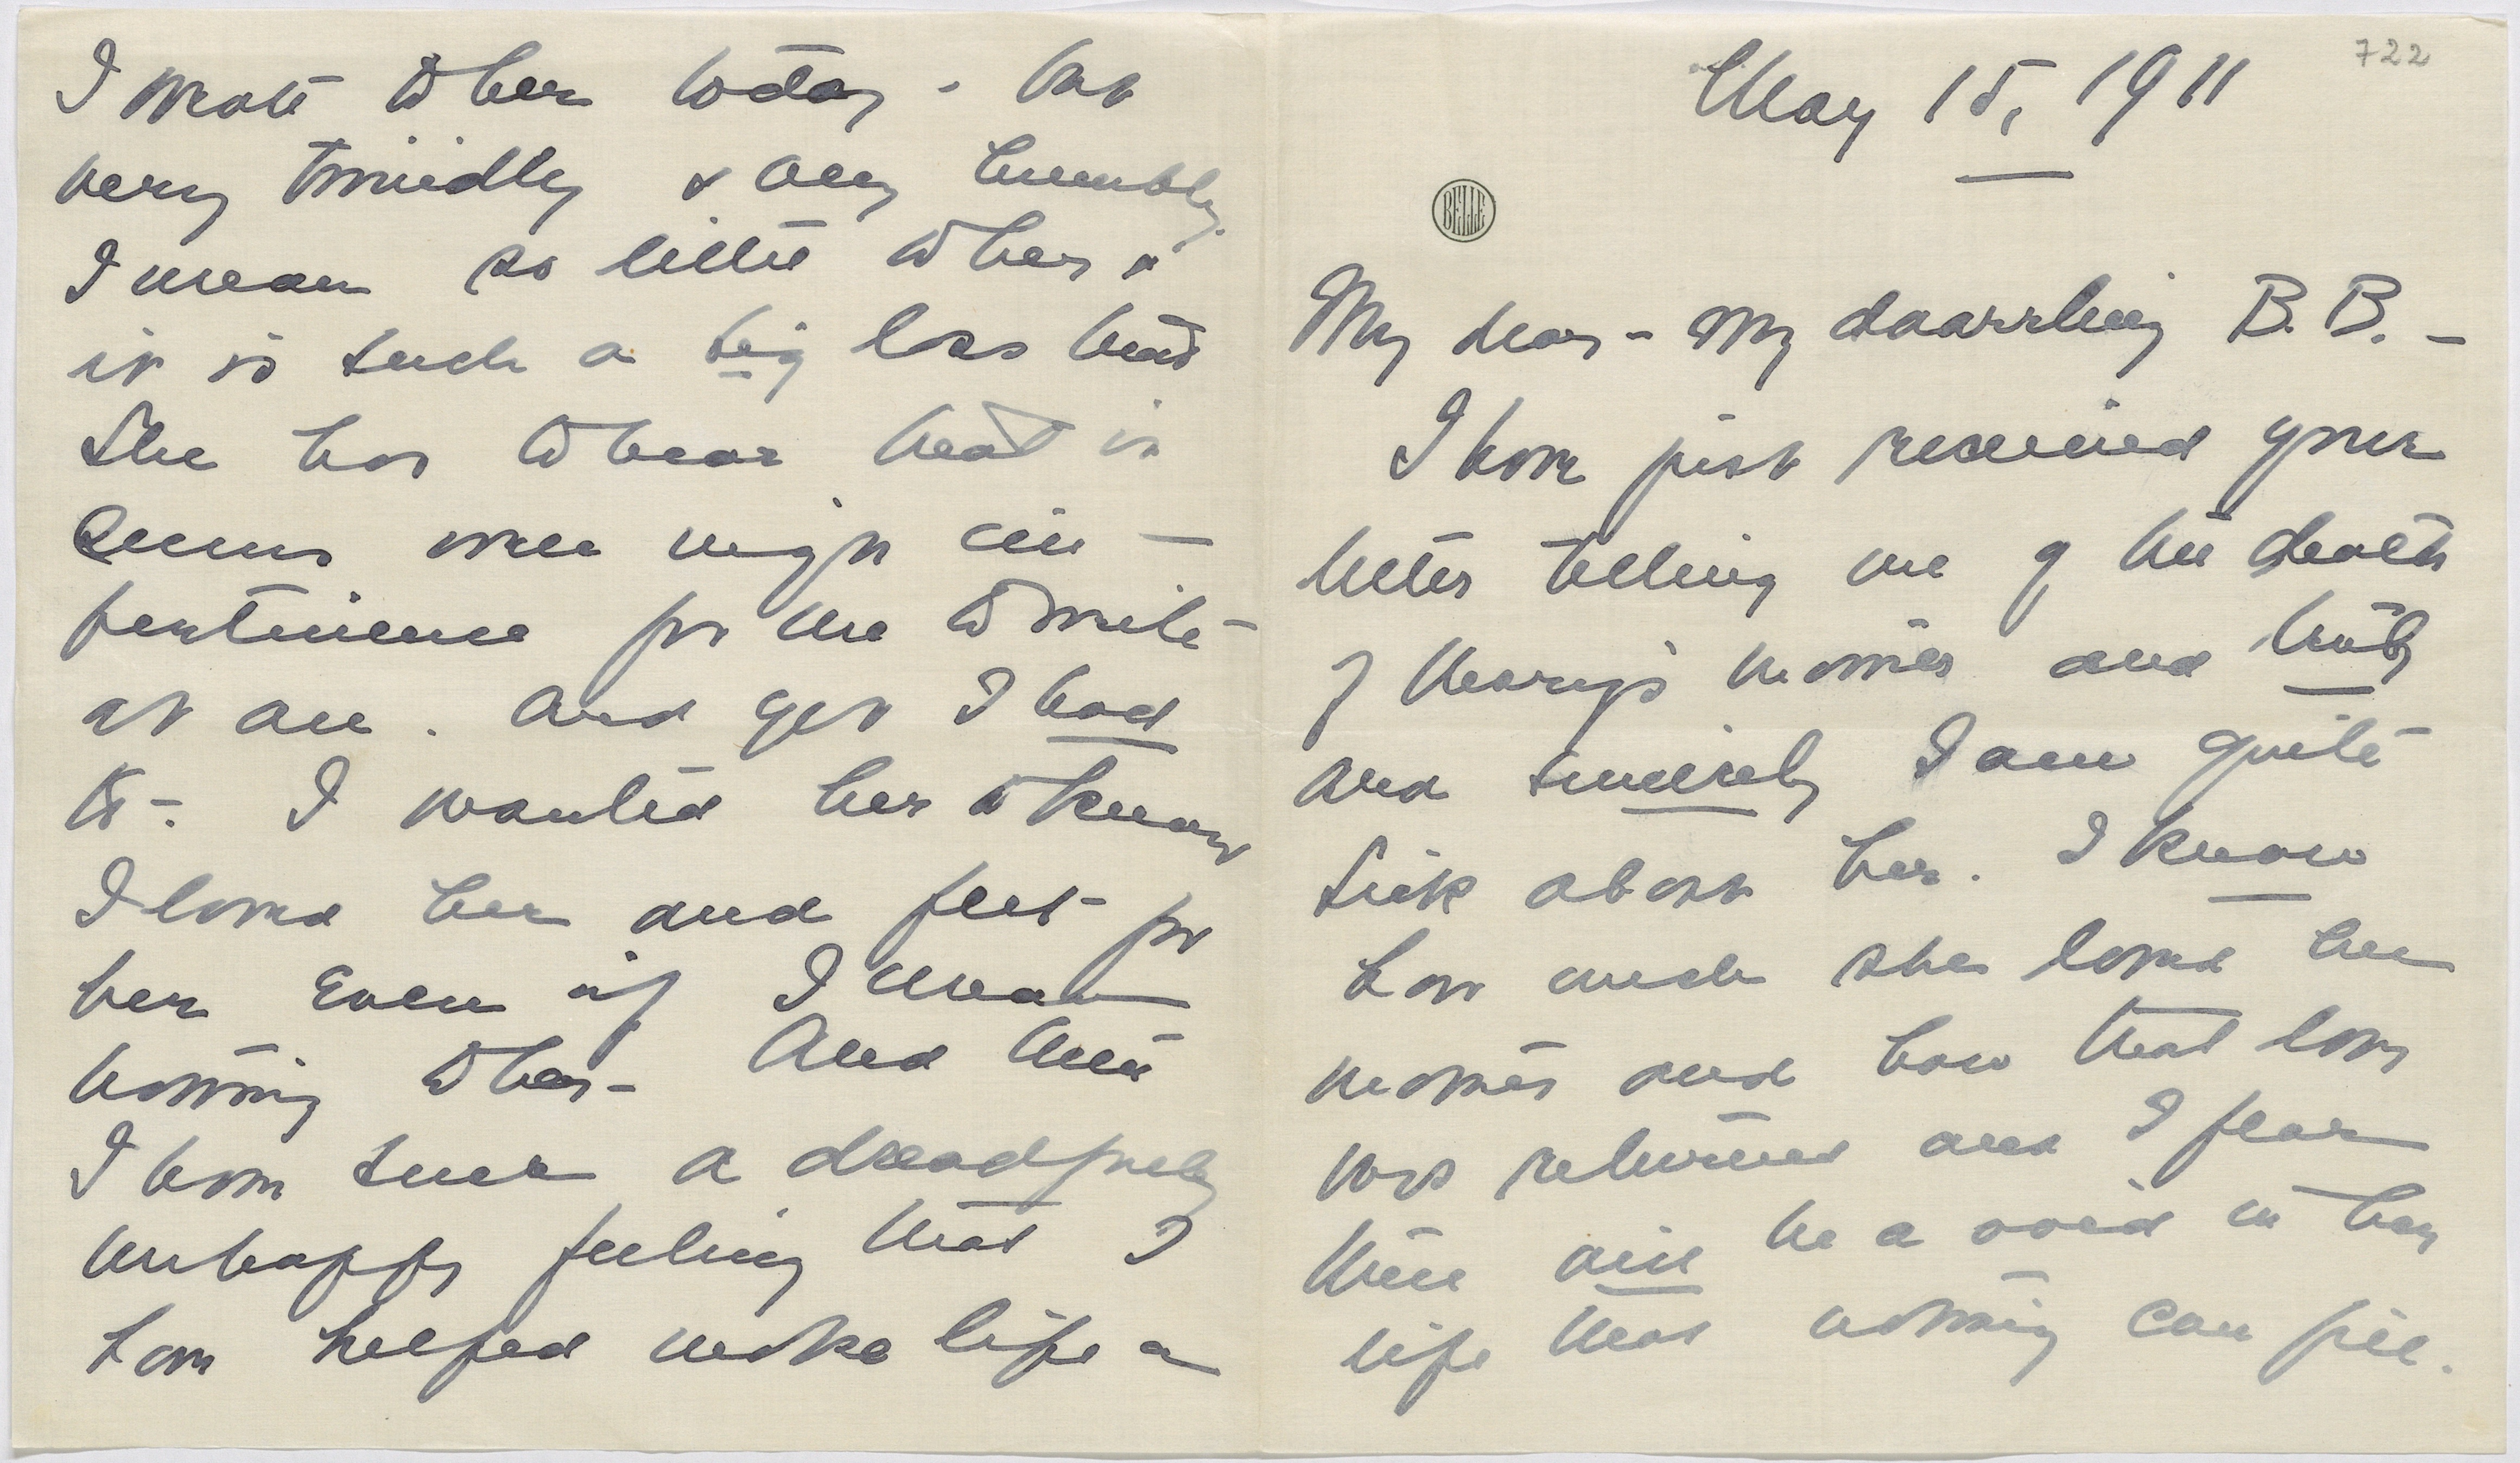May 15, 1911
My dear – My daarrling B. B. –
I have just received your letter telling me of the death of Mary’s mother and truly and sincerely I am quite sick about her. I know how much she loved her mother and how that love was returned and I fear there will be a void in her life that nothing can fill.
I wrote to her today – but very timidly & very humbly. I mean so little to her & it is such a big loss that she has to bear that it seems well nigh impertinence for me to write at all. And yet I had to. I wanted her to know I loved her and felt for her even if I mean nothing to her – And then I have such a dreadfully unhappy feeling that I have helped make life a